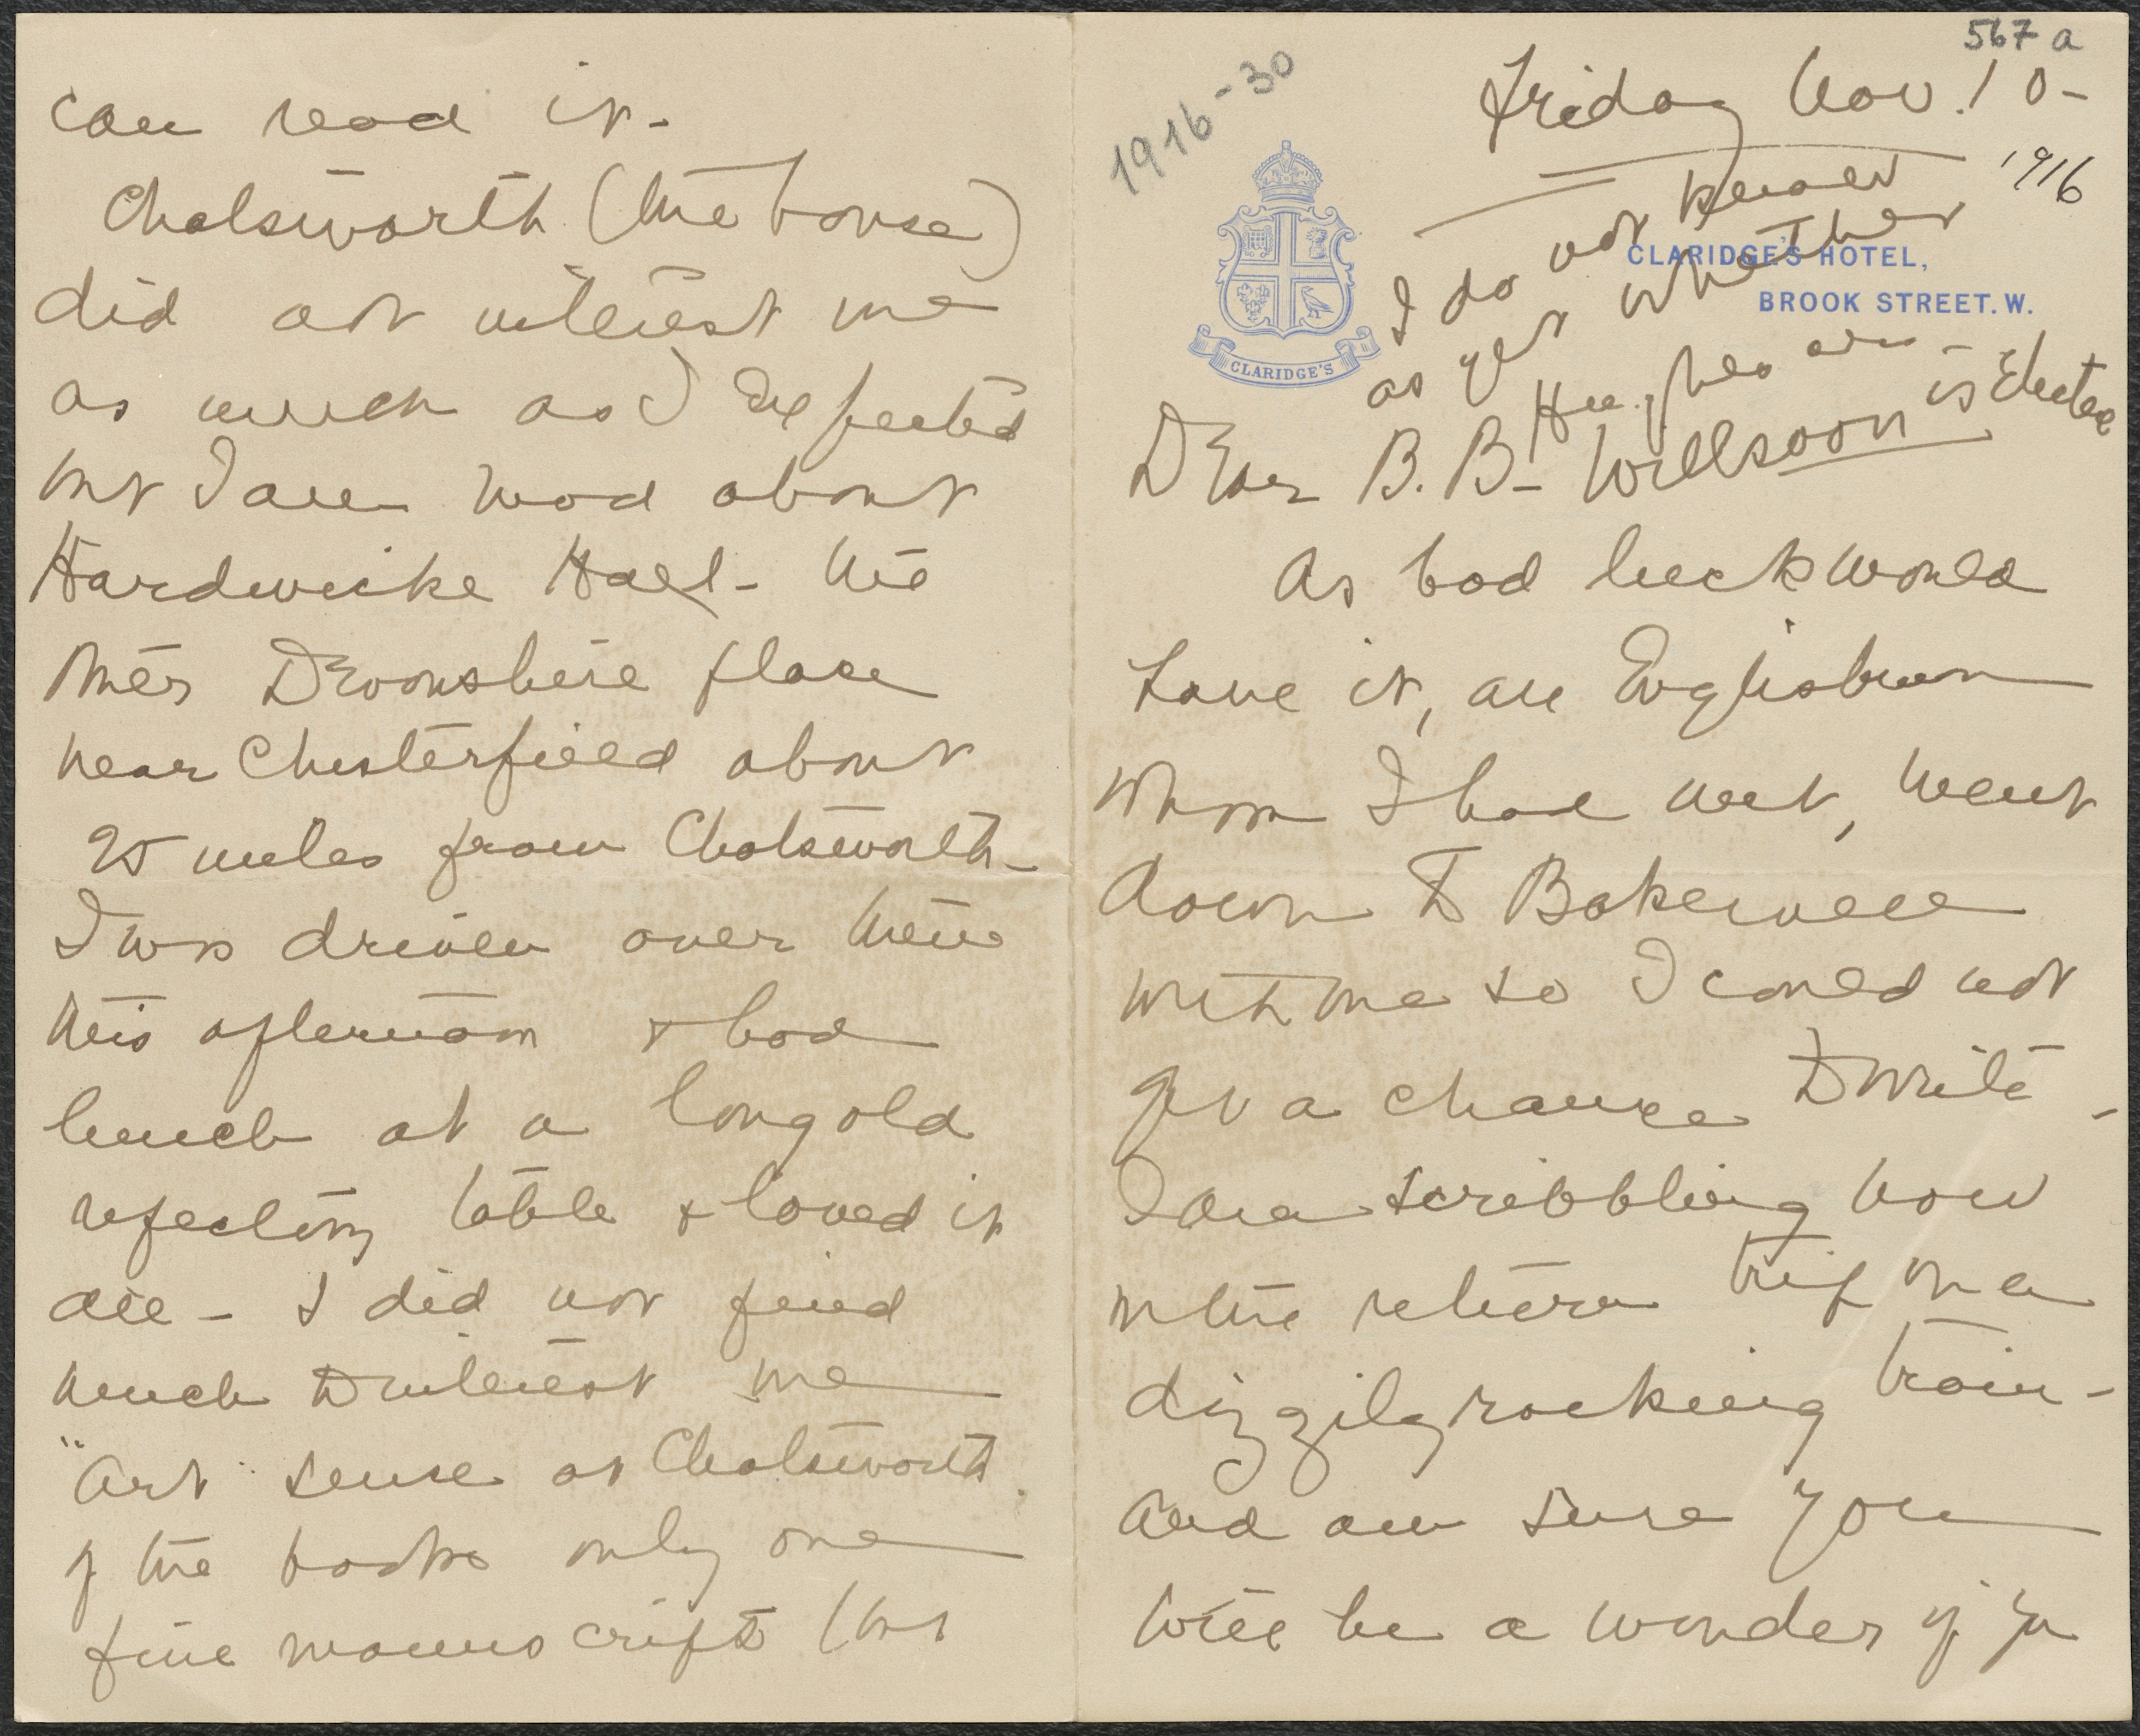Friday Nov 10 –
[written over letterhead: I do not know as yet whether Hughes or Willsoon [sic] is elected]
Dear B.B–
As bad luck would have it, all Englishmen whom I have met, went down to Bakewell with me so I could not get a chance to write – I am scribbling now on the return trip on a dizzily rocking train – and am sure you will be a wonder? if you
can read it –
Chatsworth (the house) did not interest me as much as I expected but I am mad about Hardwicke Hall – the other Devonshire place near Chesterfield about 25 miles from Chatsworth – I was driven over there this afternoon & had lunch at a long old refectory table & loved it all – I did not find much to interest me “art” sense at Chatsworth. of the books only one fine manuscript (but